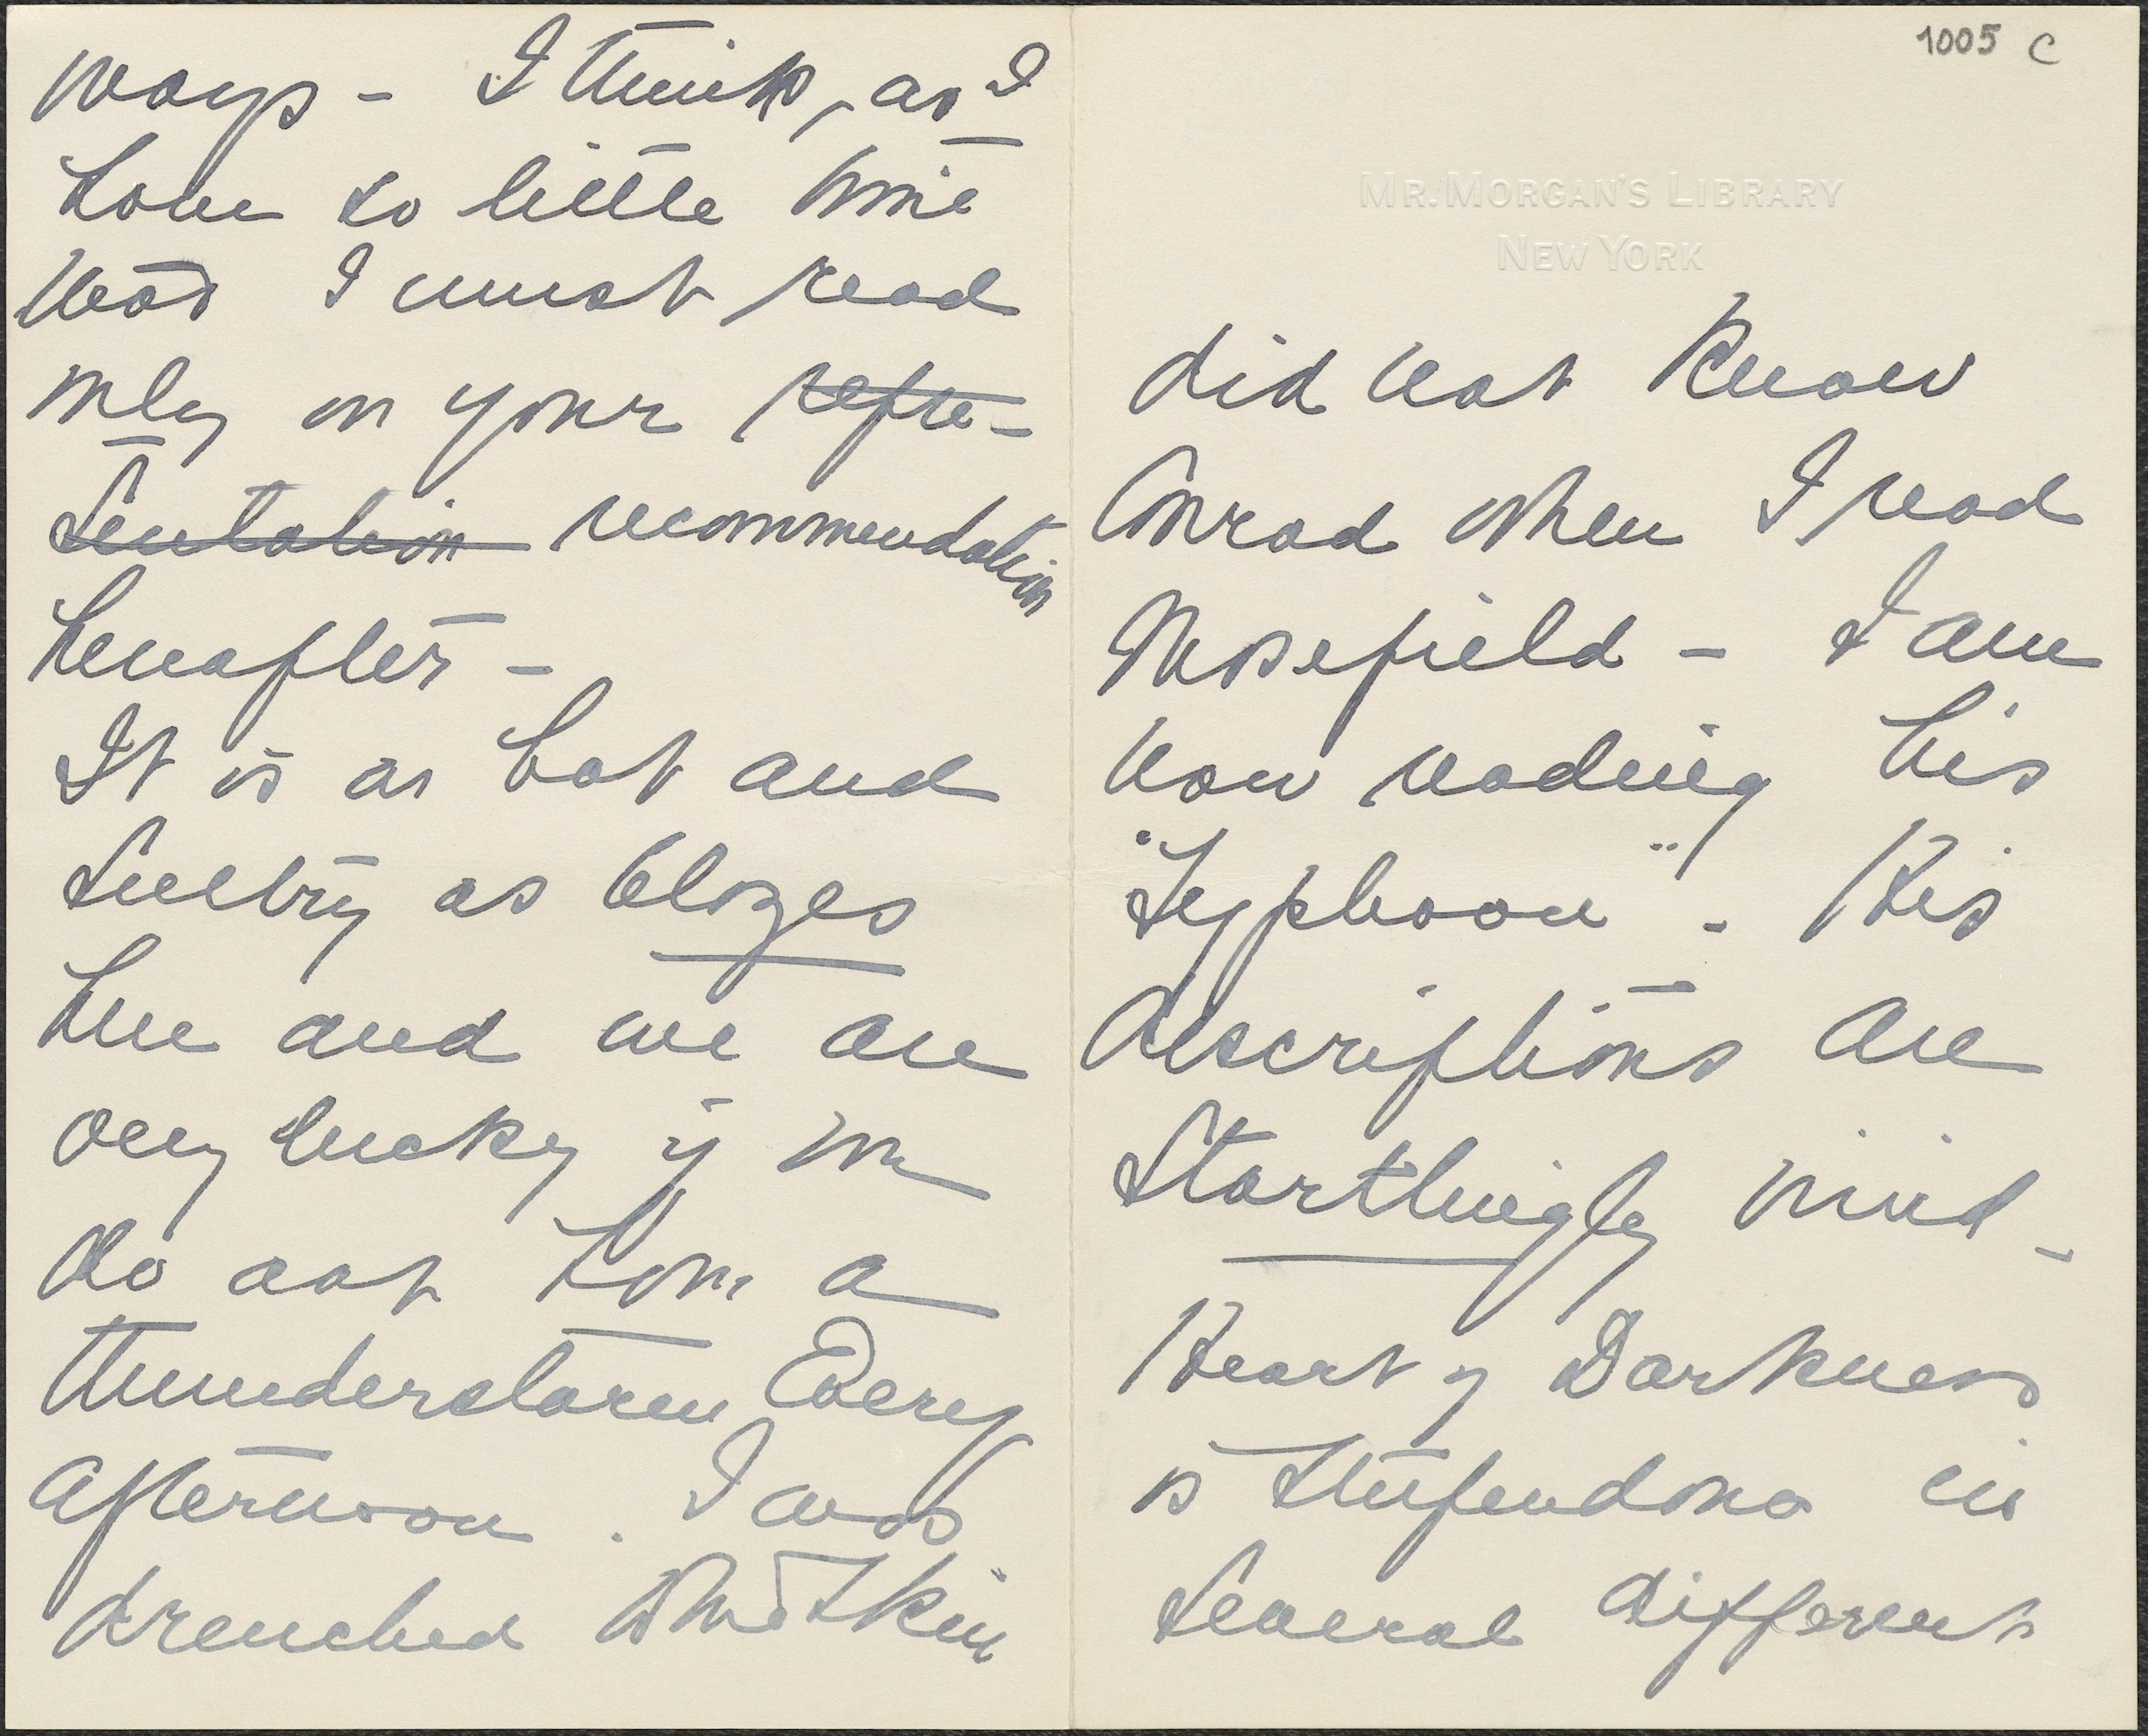did not know Conrad when I read Masefield – I am now reading his “Typhoon” – His descriptions are startlingly vivid – Heart of Darkness is stupendous in several different
ways – I think, as I have so little time that I must read only on your representation recommendation hereafter –
It is as hot and sultry as blazes here and we are very lucky if we do not have a thunderstorm every afternoon. I was drenched to the skin